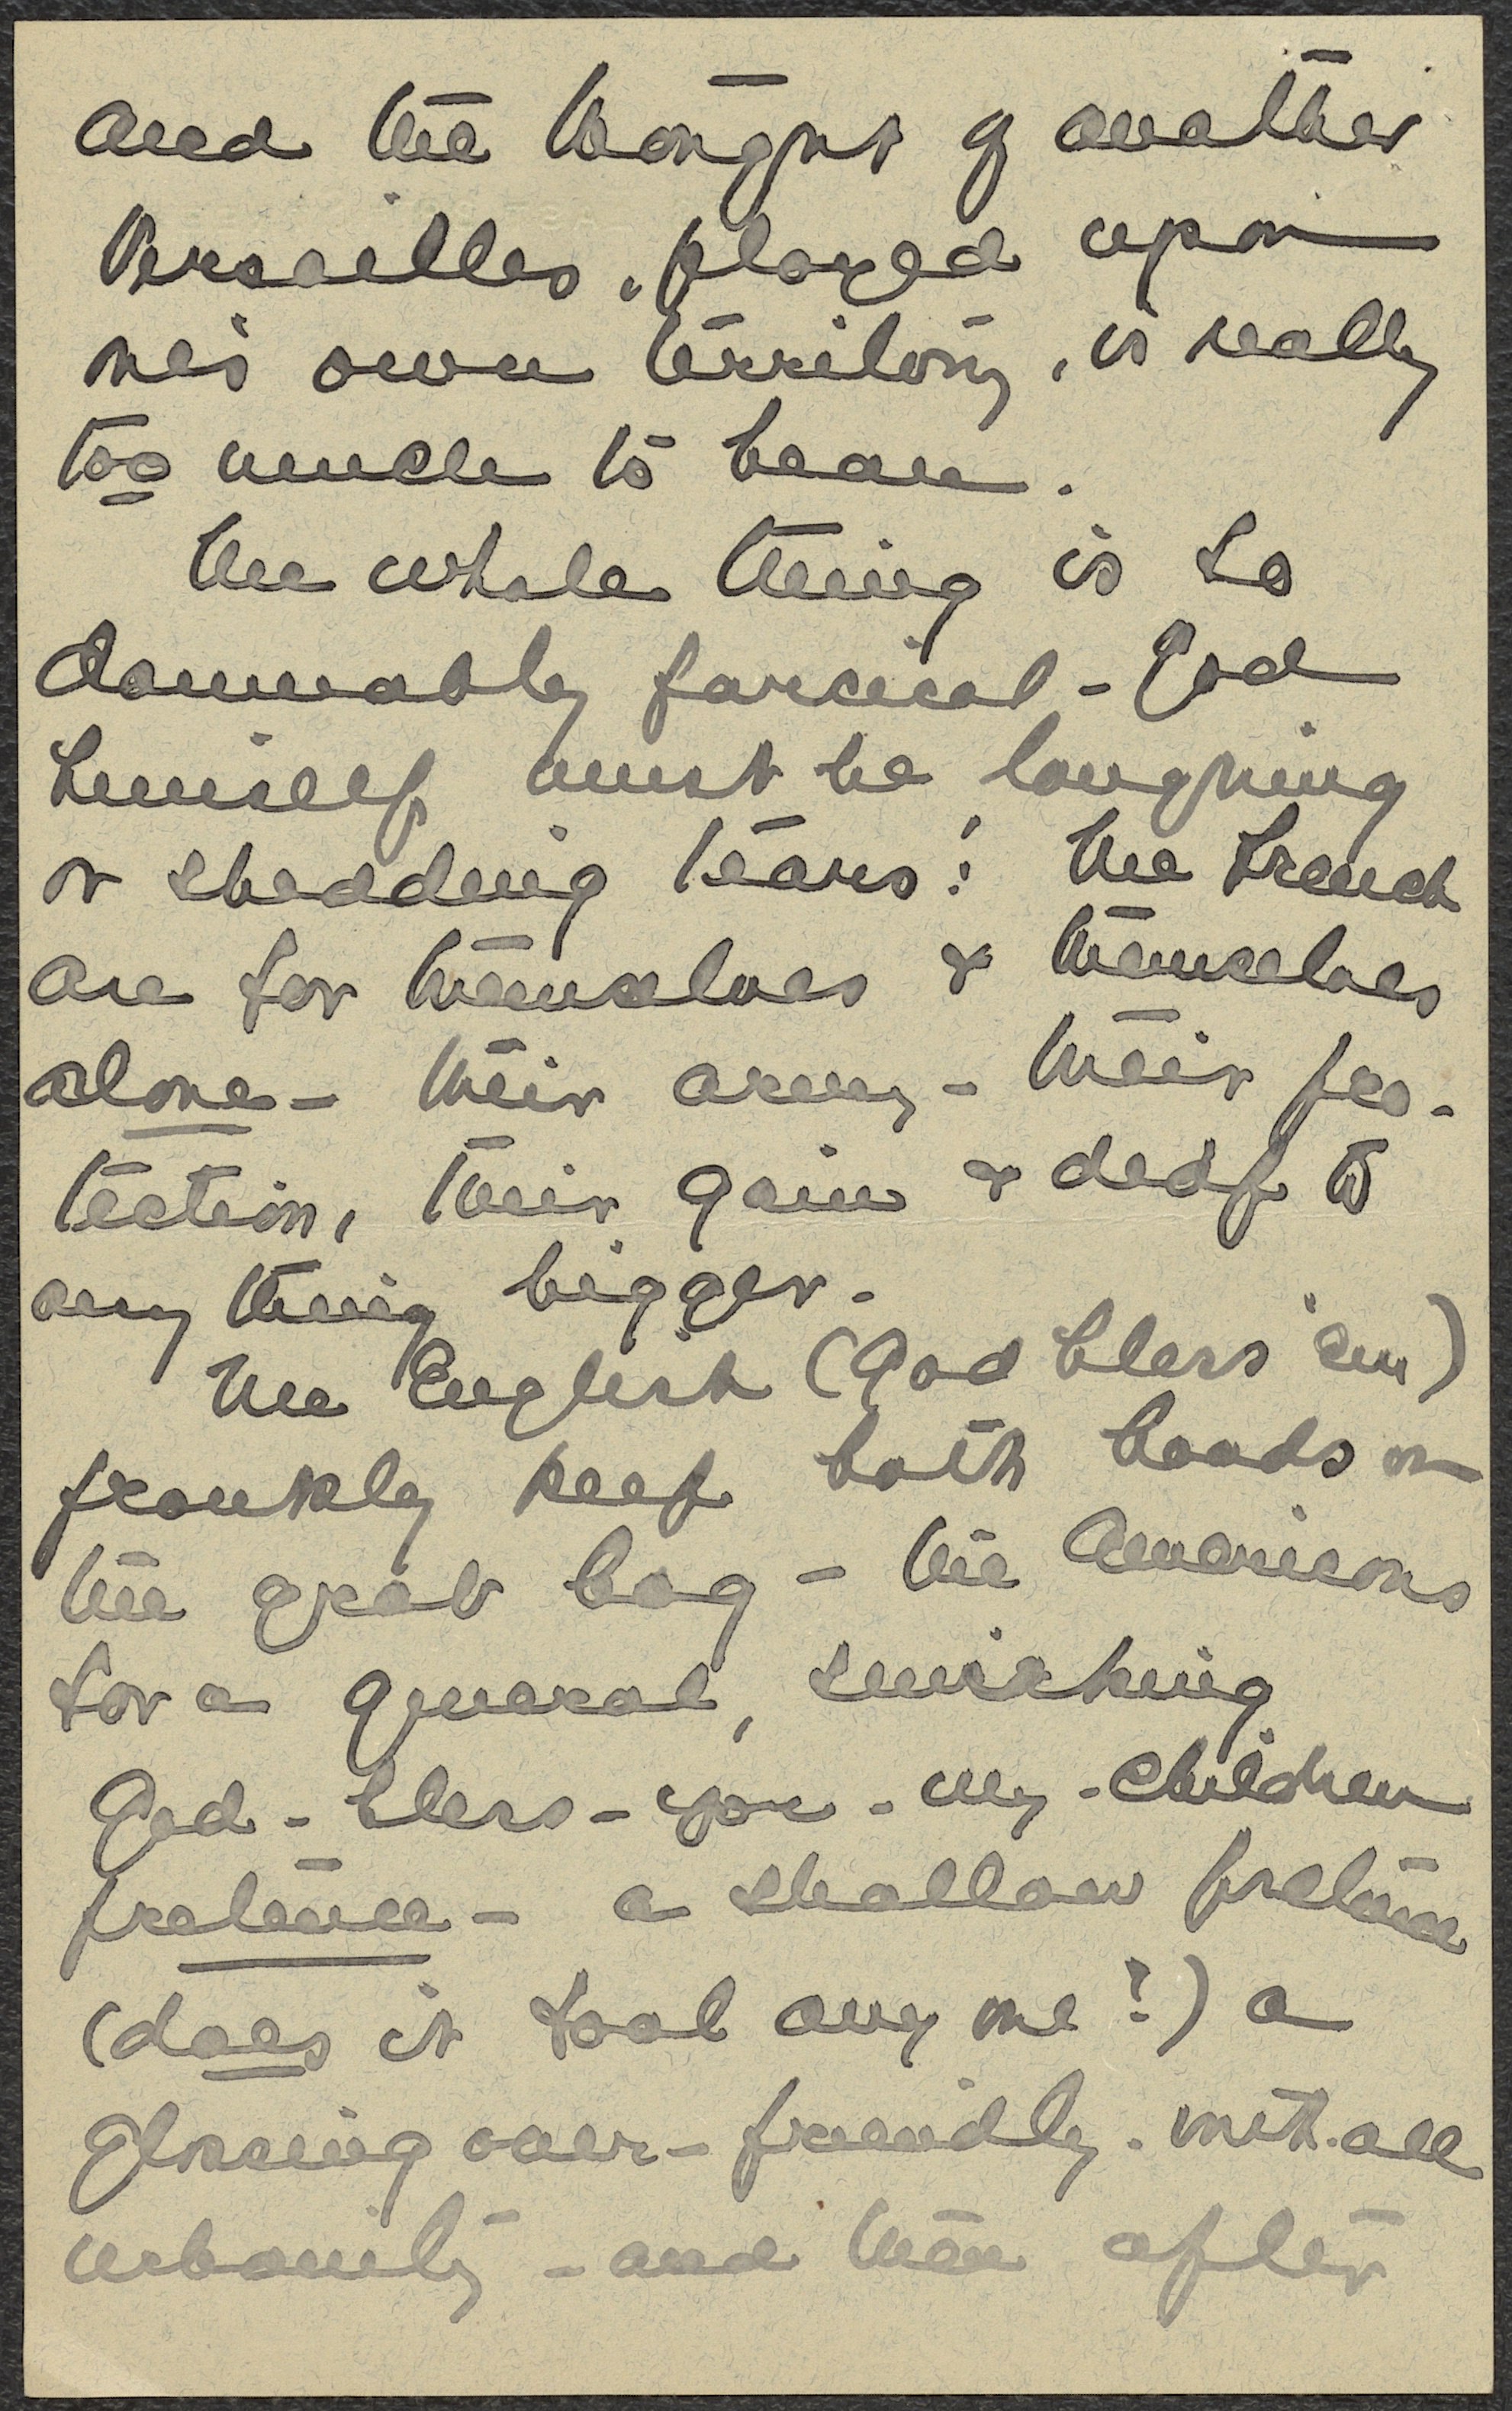and the thought of another Versailles played upon one’s own territory, is really too much to bear.
The whole thing is so damnably farcical – God himself must be laughing or shedding tears! The French are for themselves & themselves alone – their army – their protection, their gain & deaf to anything bigger –
The English (God bless ‘em) frankly keep both hands on the grab bag – the Americans for a general, smirking God-bless-you-my-children pretence – a shallow pretence (does it fool anyone?) a glossing over-friendly-with-all urbanity – and then after